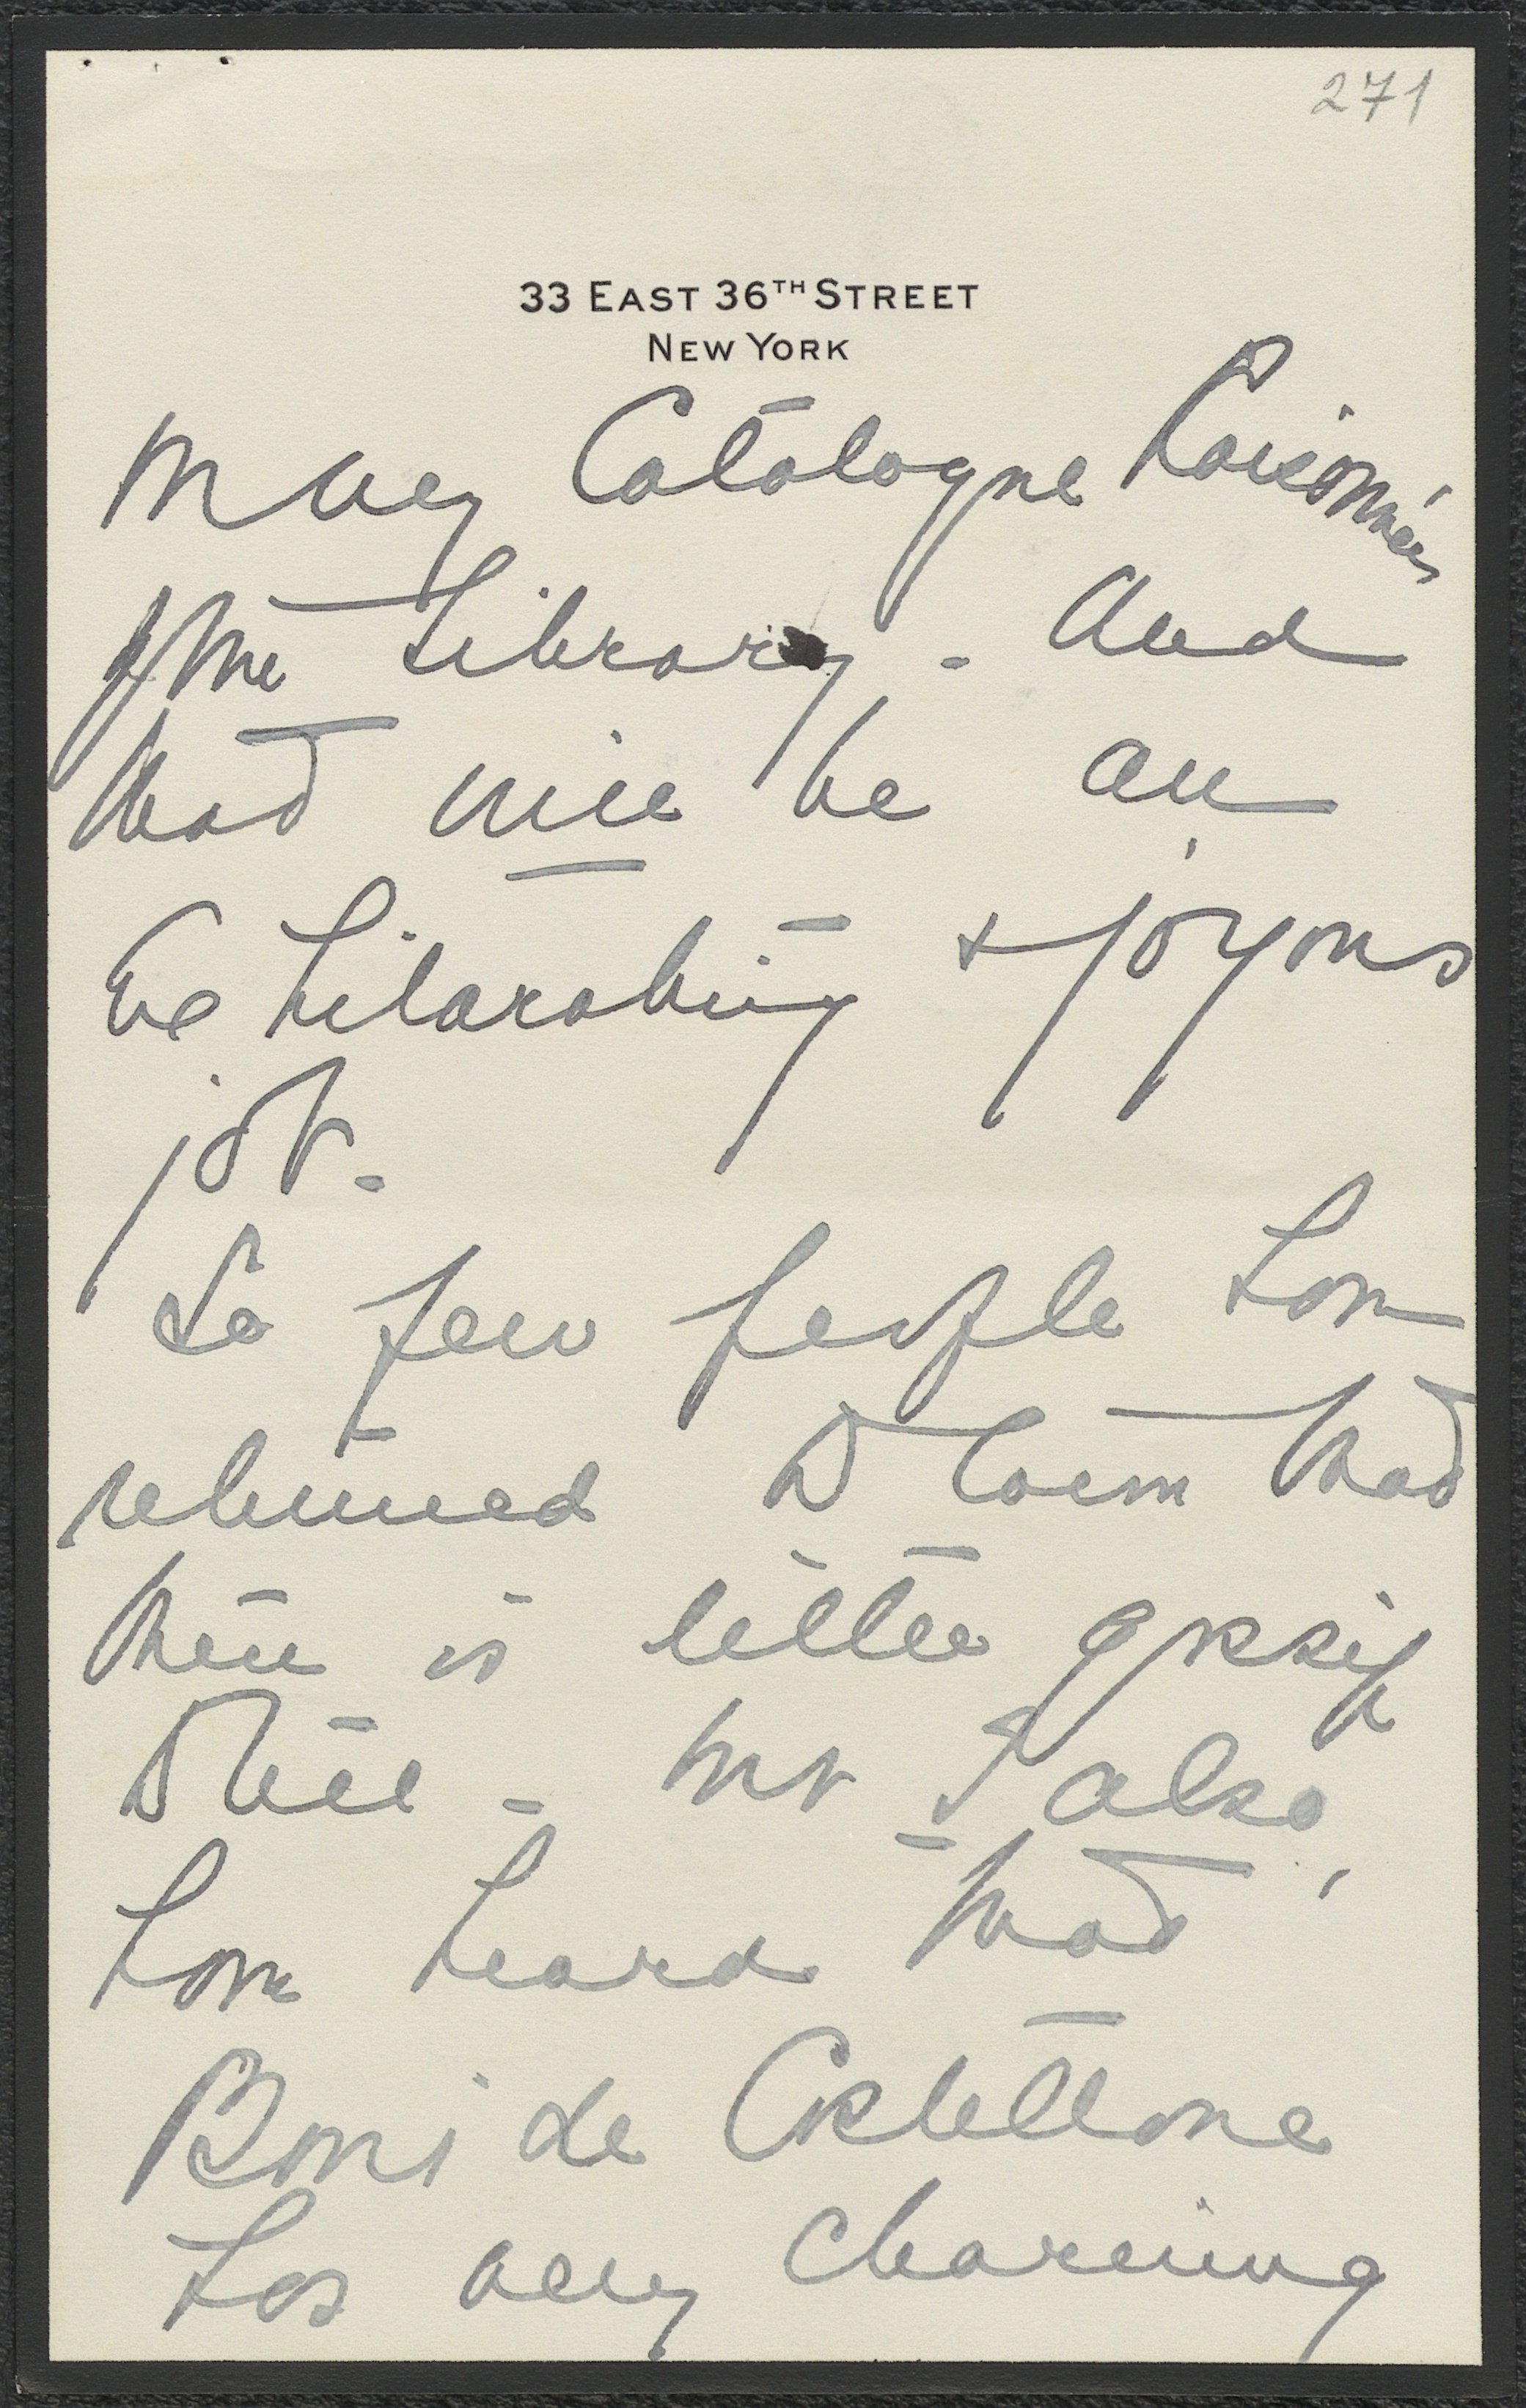on my Catalogue Raisonnés of the Library – and that will be an exhilarating & joyous job –
So few people have returned to town that there is little gossip to tell – but I also, have heard that Boni de Castellane has very charming